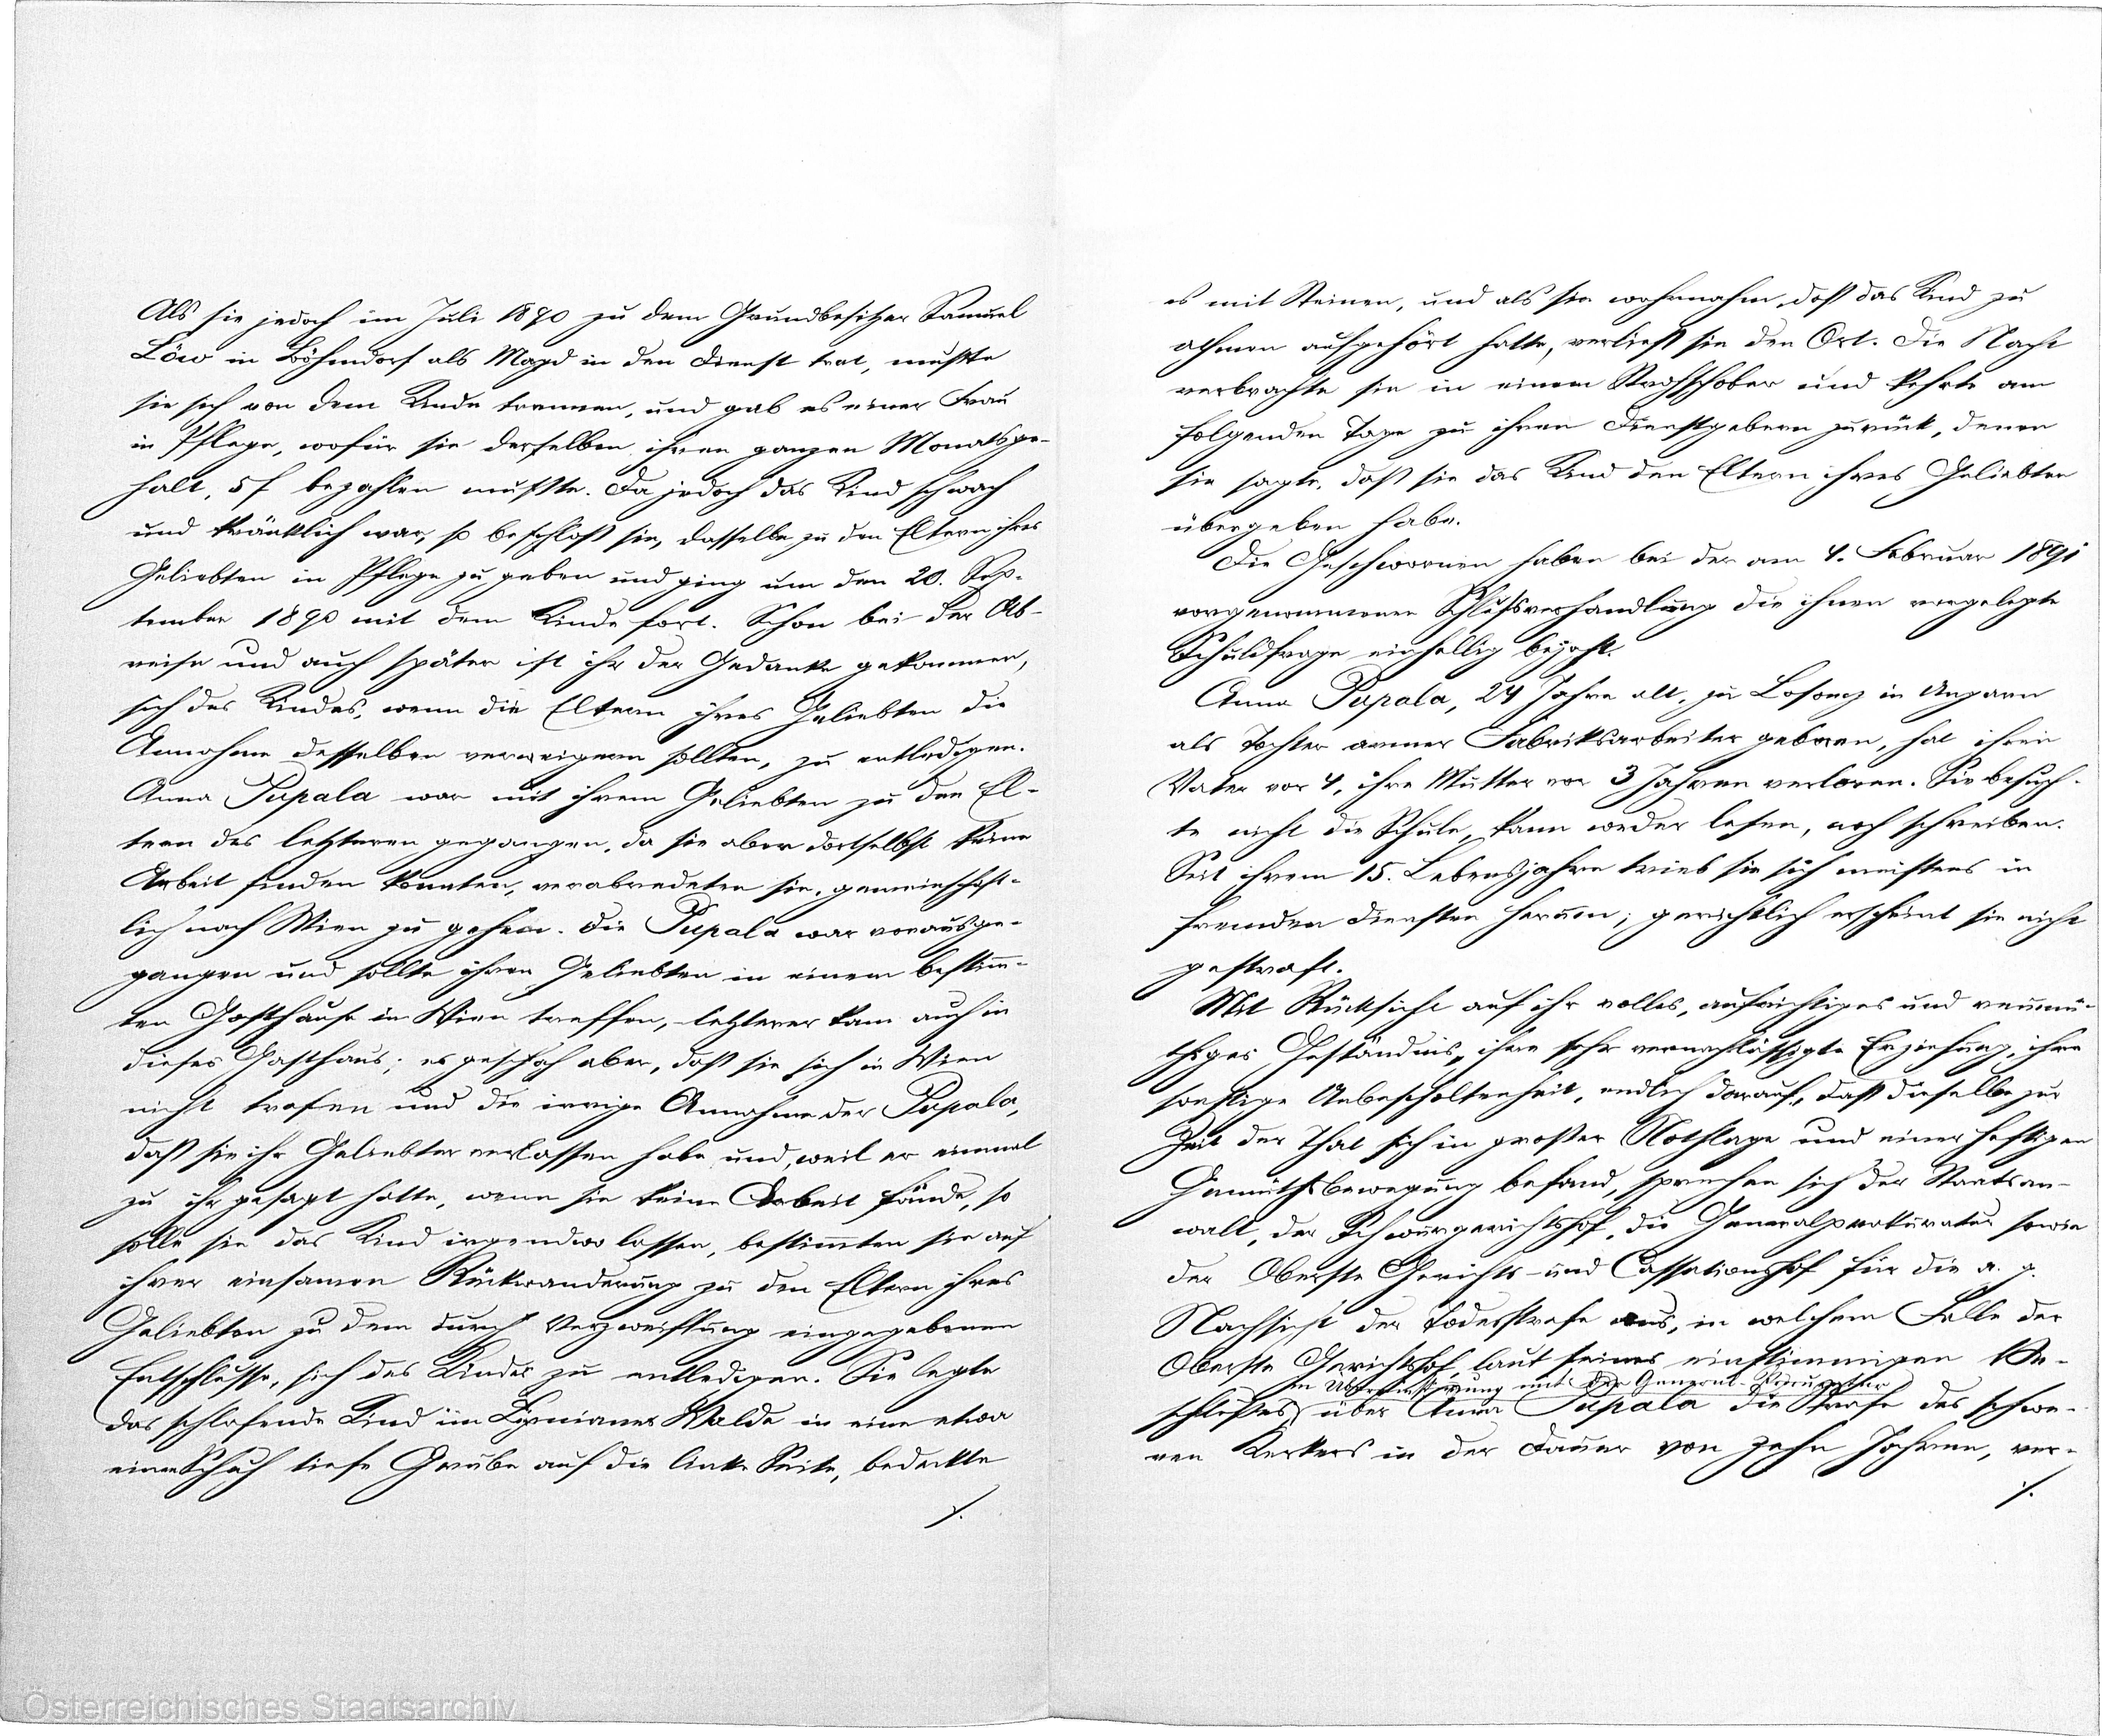Als sie jedoch im Juli 1890 zu dem Grundbesitzer Samuel
Löw in Böhmdorf als Magd in den Dienst trat, mußte
sie sich von dem Kinde trennen, und gab es einer Frau
in Pflege, wofür sie derselben ihren ganzen Monatsge¬
halt, 5f bezahlen musste. Da jedoch das Kind schwach
und kränklich war, so beschloß sie, dasselbe zu den Eltern ihrer
Geliebten in Pflege zu geben und ging um dem 20 Sep¬
tember 1890 mit dem Kinde fort. Schon bei der Ab¬
reise und auch später ist ihr der Gedanke gekommen,
sich des Kindes, wenn die Eltern ihres Geliebten die
Annahme dasselbe verweigern sollten, zu entledigen.
Anna Pupala war mit ihrem Geliebten zu den El¬
tern des letzteren gegangen, da sie aber dortselbst keine
Arbeit finden konnten, verabredeten sie, gemeinschaft¬
lich noch Wien zu gehen. Die Pupala war vorausge¬
gangen und sollte ihren Geliebten in einem bestimm¬
ten Gasthause in Wien treffen, letzterer kam auch in
dieses Gasthaus; es geschah aber, daß sie sich in Wien
nicht trafen und die irrige Annahme der Pupala,
daß sie ihr Geliebten verlassen habe und weil er einmal
zu ihr gesagt hatte, wenn sie keine Arbeit fände, so
solle sie das Kind irgendwo lassen, bestimmten sie auf
ihrer einsamen Rückwanderung zu den Eltern ihres
Geliebten zu dem durch Verzweiflung eingegebenen
Entschlusse, sich des Kindes zu entledigen. Sie legte
das schlafende Kind im Lipnianer Walde in eine etwa
einen Schuh tiefe Grube auf die linke Seite, bedeckte
es mit Steinen, und als sie wahrnahm, daß das Kind zu
athmen aufgehört hatte, verließ sie den Ort. Die Nacht
verbrachte sie in einem Strohschober und kehrte am
folgenden Tage zu ihren Dienstgebern zurück, denen
sie sagte, daß sie das Kind den Eltern ihres Geliebte
übergeben habe.
Die Geschworenen haben bei der am 4. Februar 1891
vorgenommenen Schlußverhandlung die ihnen vorgelegte
Schuldfrage einhellig bejaht.
Anna Pupala, 24 Jahre alt, in Losoncz in Ungarn
als Tochter armer Fabriksarbeiter geboren, hat ihren
Vater vor 4, ihre Mutter vor 3 Jahren verloren. Sie besuch¬
te nicht die Schule, kann weder lesen, noch schreiben.
Seit ihrem 15. Lebensjahre trieb sie sich meistens in
Fremden Diensten herum; gerichtlich erscheint sie nicht
gestraft.
Mit Rücksicht auf ihr volles, aufrichtiges und reumü¬
thiges Geständnis, ihre sehr vernachlässigte Erziehung, ihre
sonstige Unbescholtenheit, endlich darauf, daß dieselbe zur
Zeit der That sich in großer Nothlage und einer heftigen
Gemüthsbewegung befand, sprechen sich der Staatsan¬
walt, der Schurgerichtshof, die Generalprokuratur sowie
der Oberste Gerichts- und Cassationshof für die a.g.
Nachsicht der Todesstrafe aus, in welchem Falle der
Oberste Gerichtshof laut seines einstimmigen Be¬
in Übereinstimmung mit der General Procuratur
schlußes über Anna Pupala die Strafe des schwe¬
ren Kerkers in der Dauer von zehn Jahren, ver¬